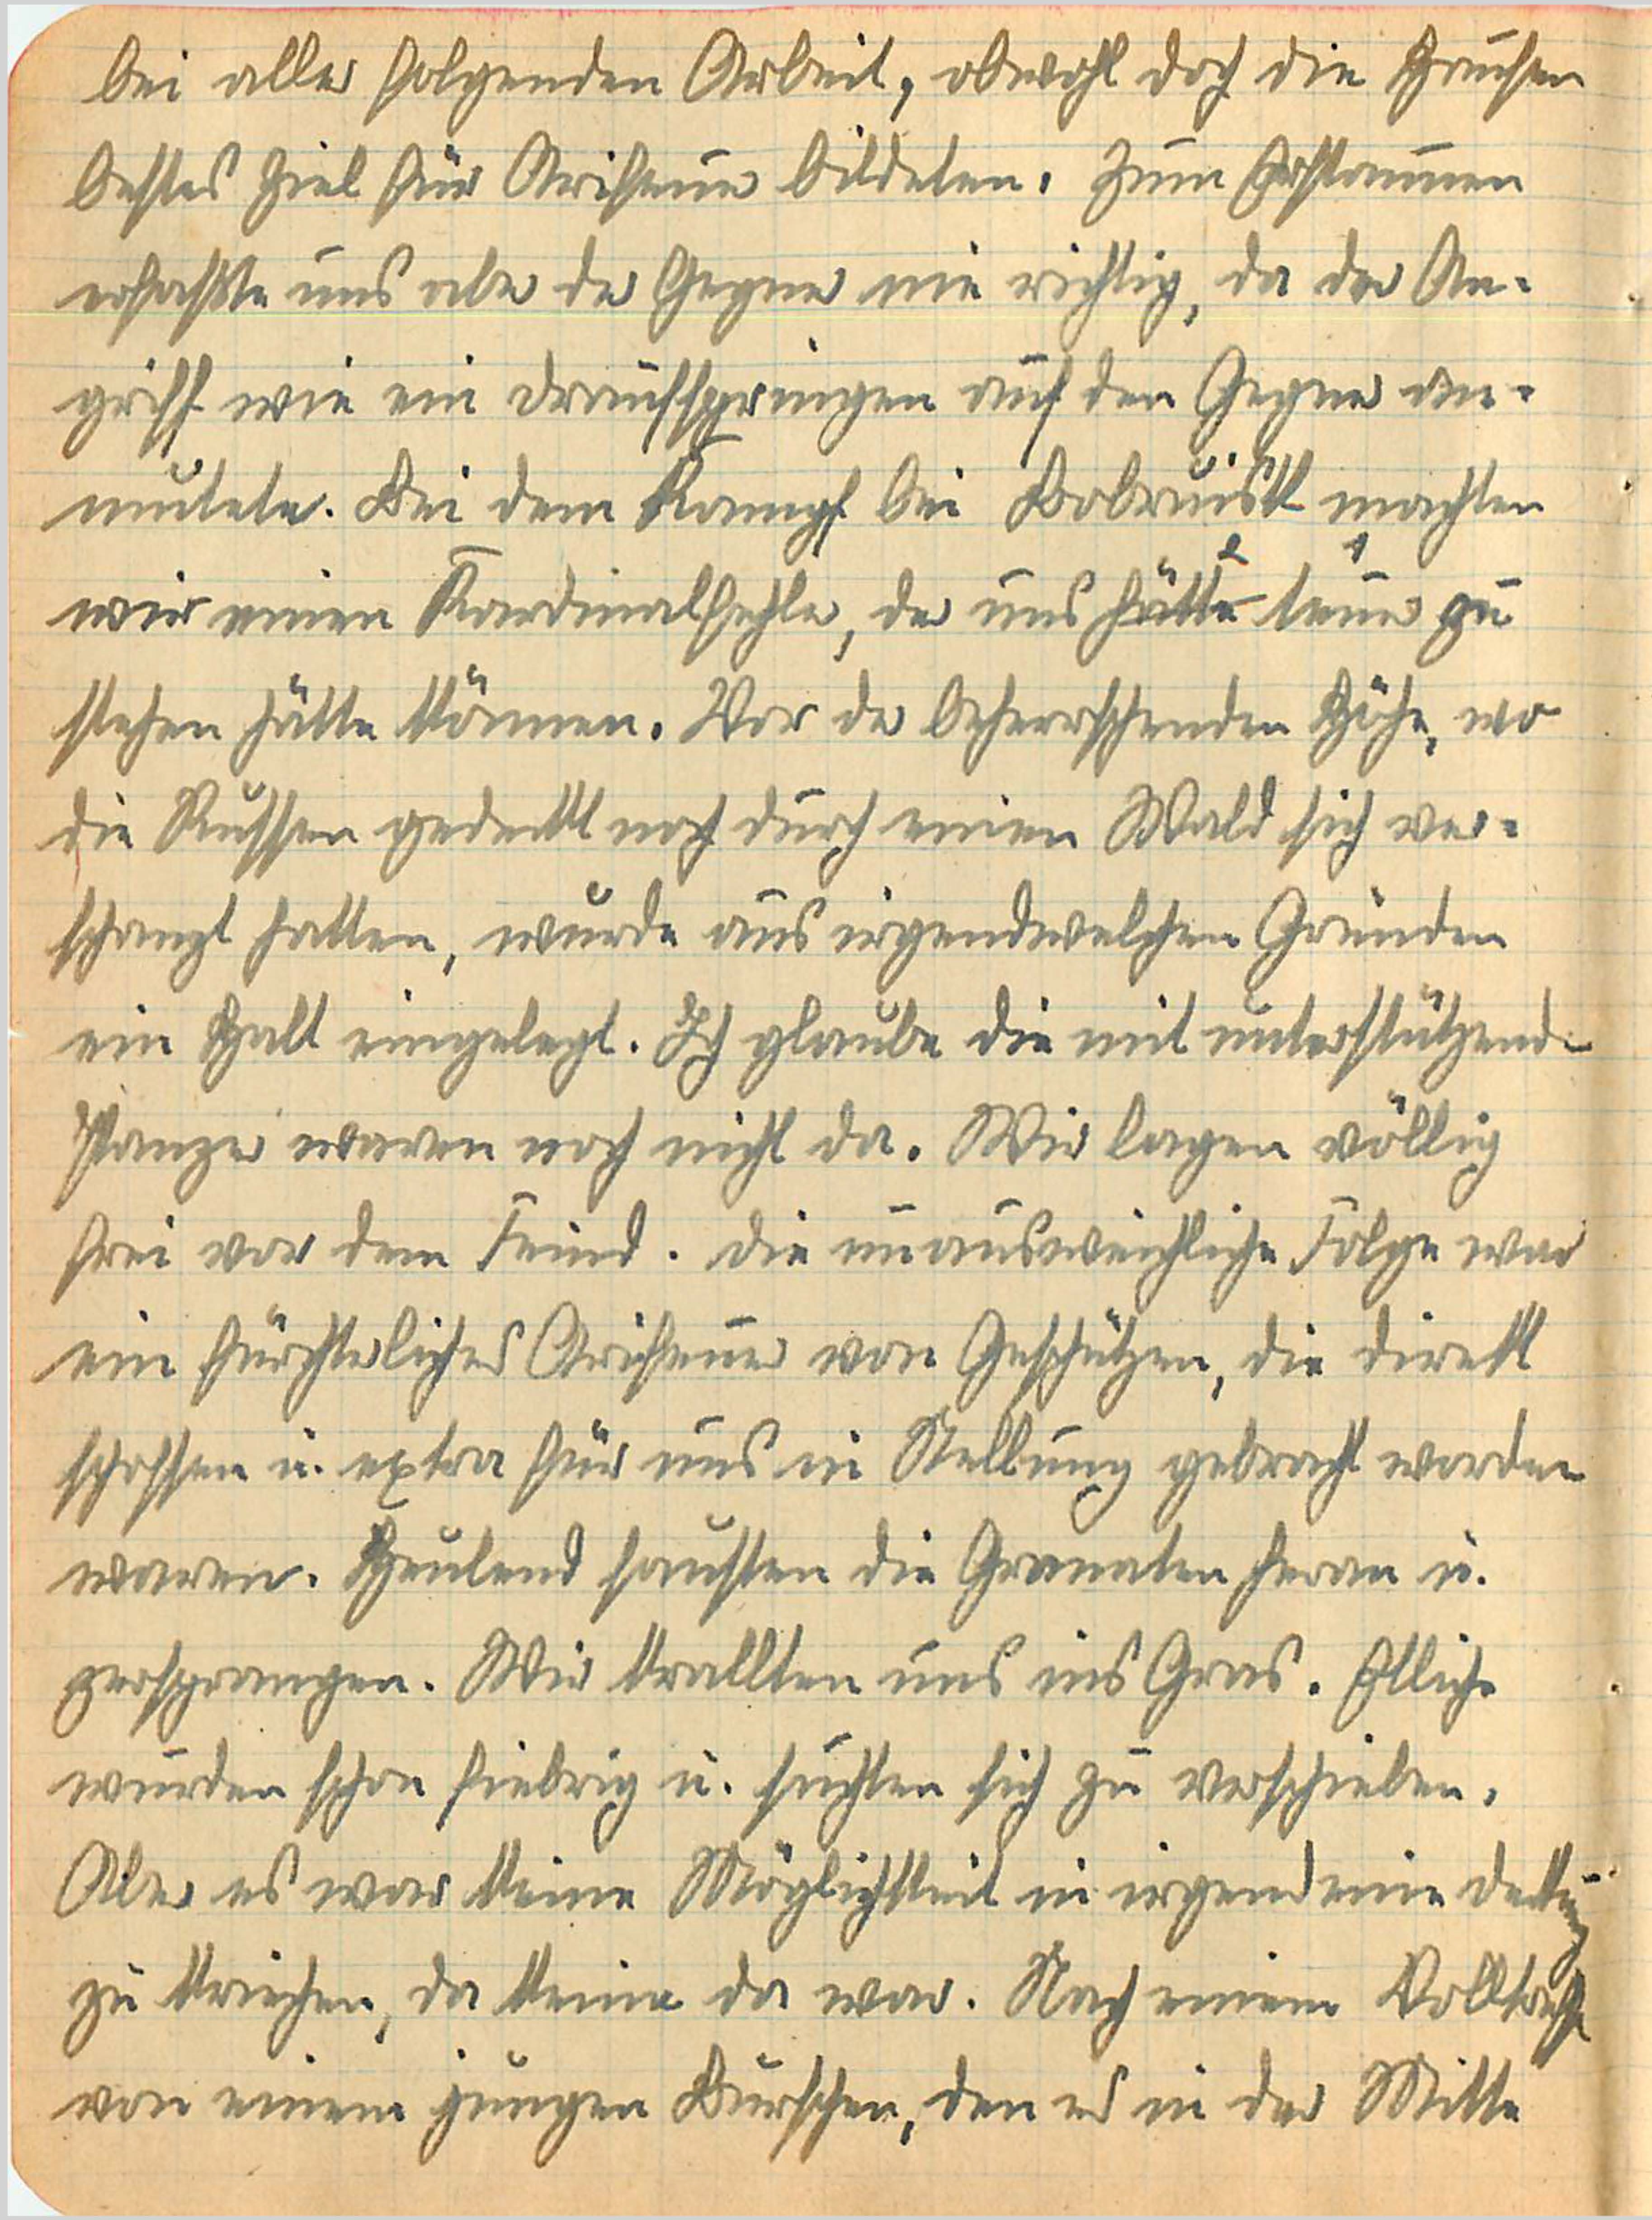bei aller folgenden Arbeit, obwohl doch die Haufen
bestes Ziel für Arifeuer bildeten. Zum Erstaunen
erfaßte uns aber der Gegner nie richtig, da der An-
griff wie ein Draufspringen auf den Gegner an-
mutete. Bei dem Kampf bei Bobruisk machten
wir einen Kardinalfehler, der uns hätte teuer zu
stehen hätte können. Vor der beherrschenden Höhe, wo
die Russen gedeckt noch durch einen Wald sich ver-
schanzt hatten, wurde aus irgendwelchen Gründen
ein Halt eingelegt. Ich glaube die mit unterstützenden
Panzer waren noch nicht da. Wir lagen völlig
frei vor dem Feind. Die unausweichliche Folge war
ein fürchterliches Arifeuer von Geschützen, die direkt
schossen u. extra für uns in Stellung gebracht worden
waren. Heulend sausten die Granaten heran u.
zersprangen. Wir krallten uns ins Gras. Etliche
wurden schon fiebrig u. suchten sich zu verschieben.
Aber es war keine Möglichkeit in irgendeine Deckung
zu kriechen, da keine da war. Nach einem Volltreffer
von einem jungen Burschen, den es in der Mitte